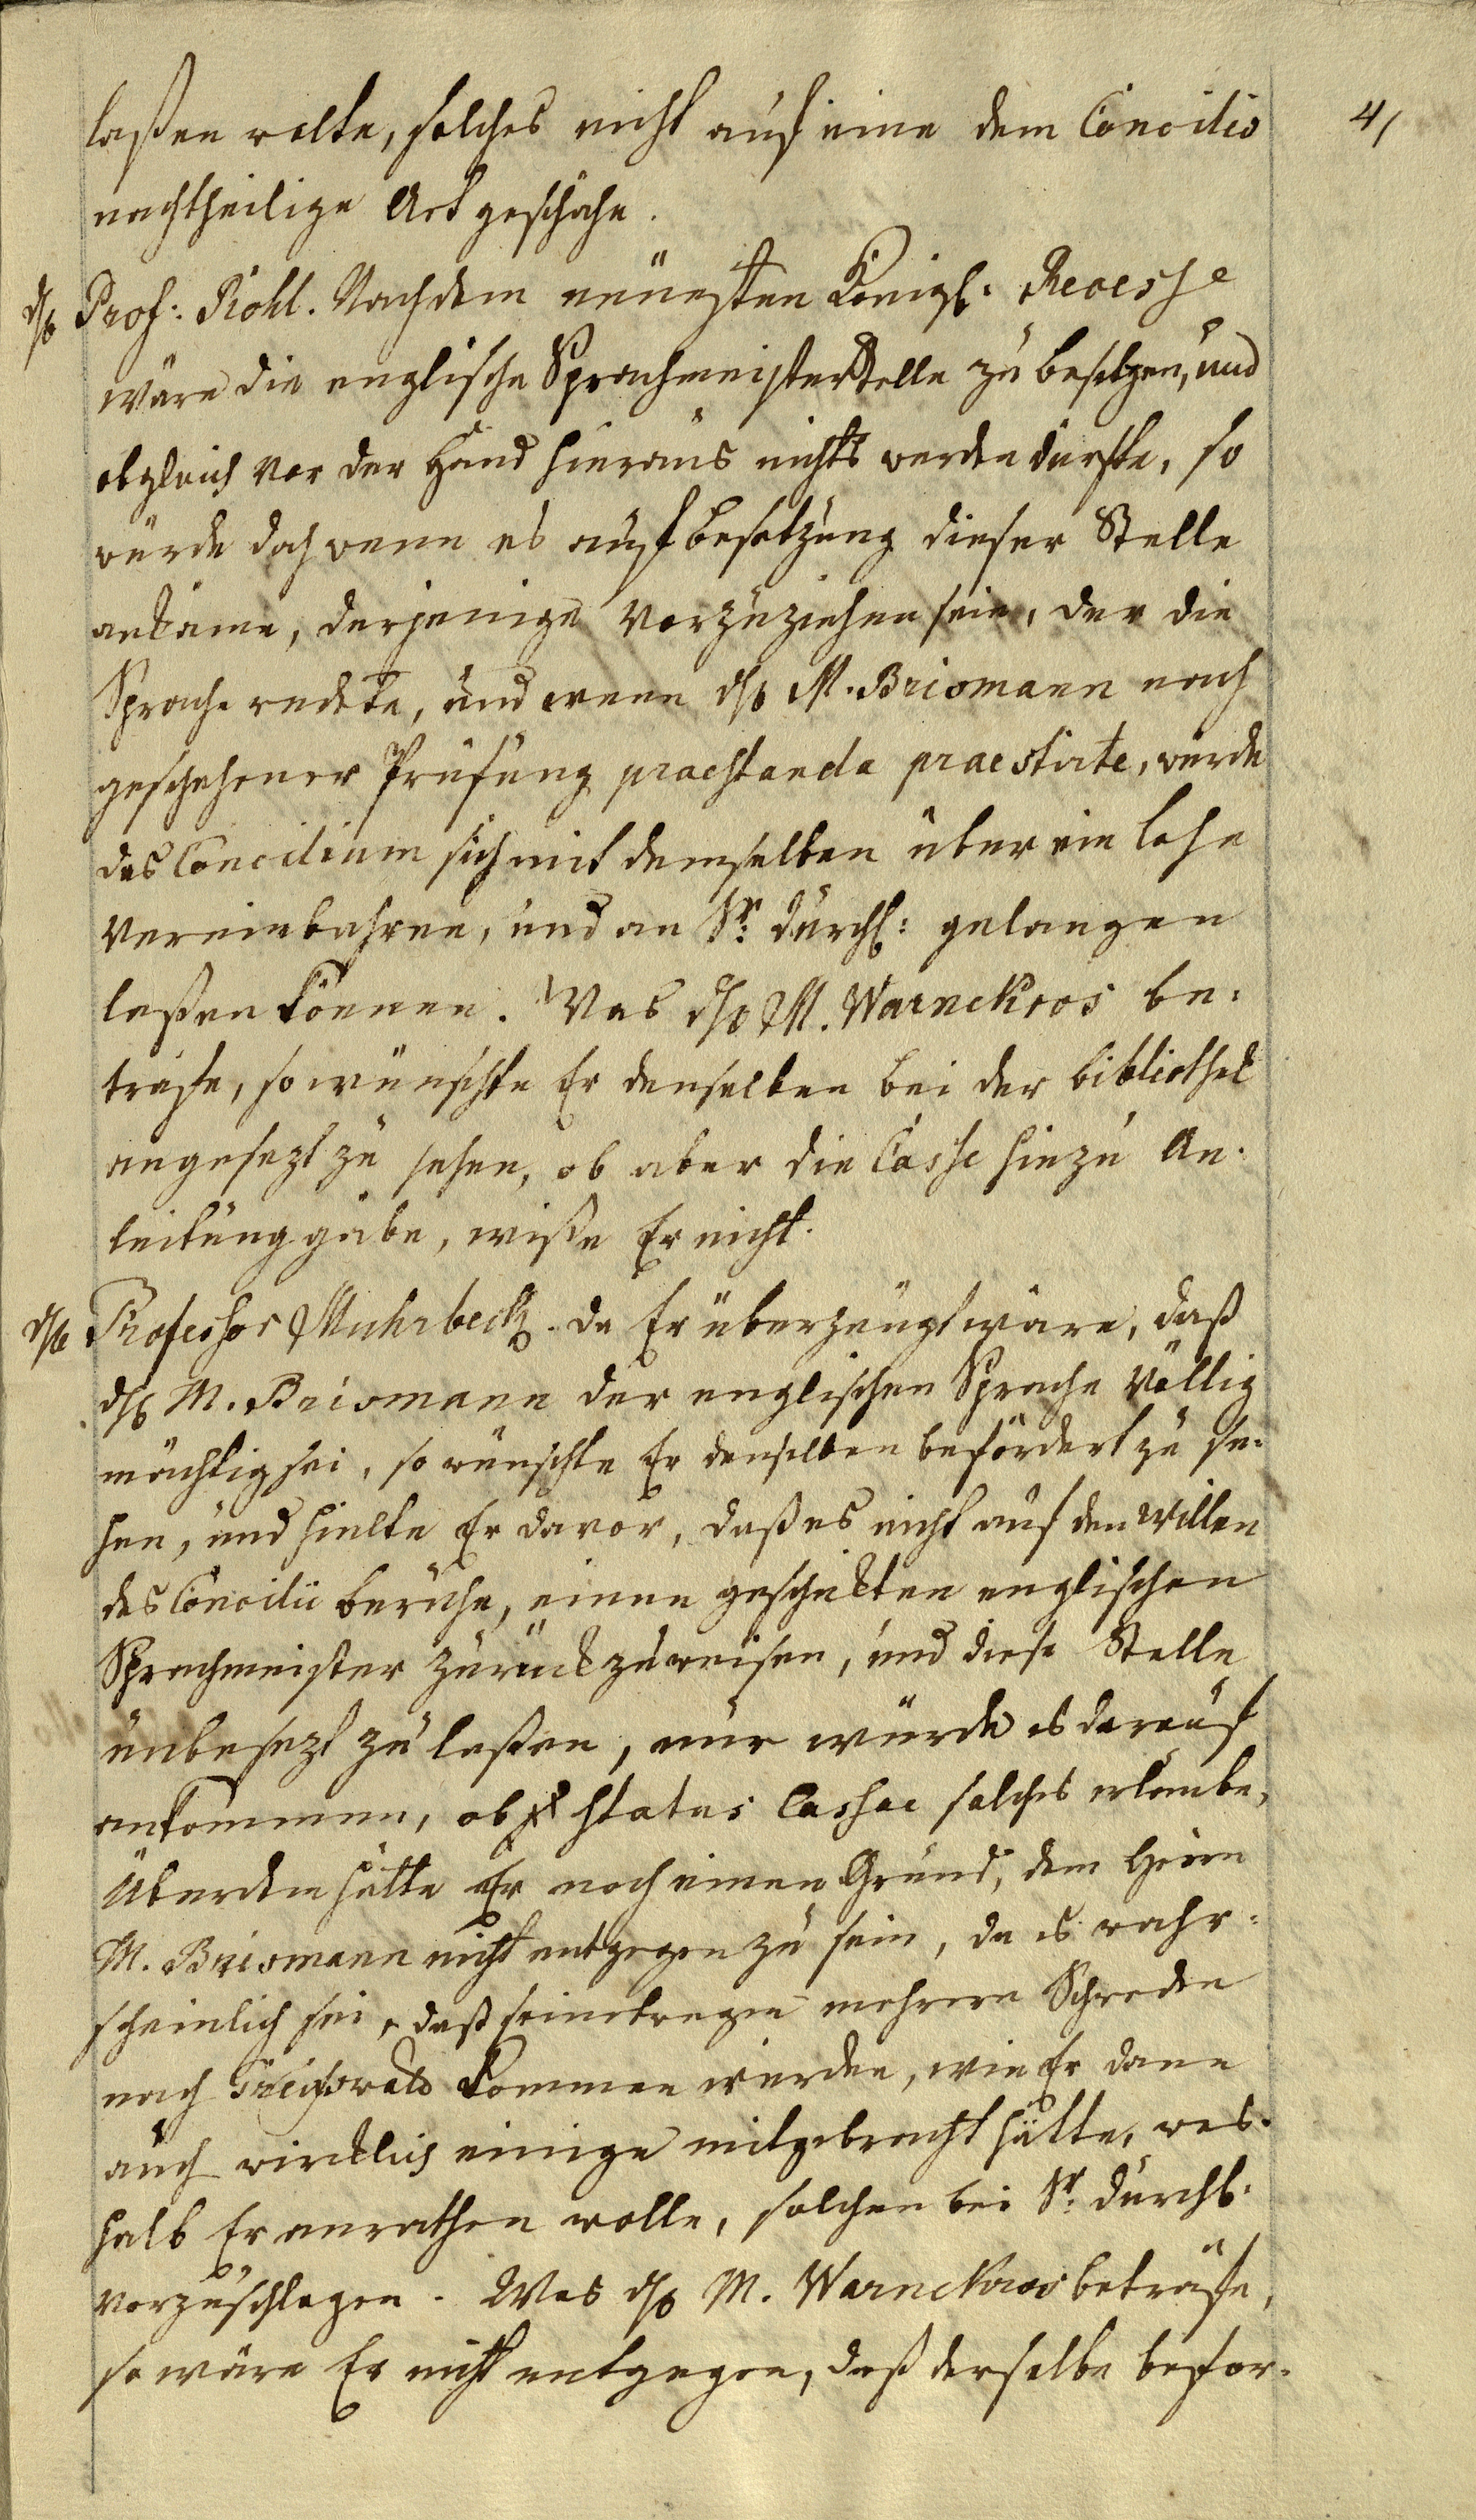laßen wolte, solches nicht auf eine dem Concilio
nachtheilige Art geschähe.
dh Prof. Röhl. Nachdem neuesten Königl. Recesse
wäre die englische Sprachmeisterstelle zu besetzen, und
obgleich vor der Hand hieraus nichts werden dürfte, so
würde doch wenn es auf Besetzung dieser Stelle
ankäme, derjenige vorzuziehen sein, der die
Sprache redete, und wenn dh M. Brismann nach
geschehener Prüfung praestanda praestirte, würde
das Concilium sich mit demselben über ein Lohn
vereinbahren, und an Sr Durchl. gelangen
laßen können. Was dh M. Warnekros be¬
träfe, so wünschte Er denselben bei der Bibliothek
eingesezt zu sehen, ob aber die Casse hiezu An¬
leitung gäbe, wiße Er nicht.
dh Professor Muhrbeck. Da Er überzeugt wäre, daß
dh. M. Brismann der englischen Sprache völlig
mächtig sei, so wünschte Er denselben befördert zu se¬
hen, und hielte Er davor, daß es nicht auf den Willen
des Concilio beruhe, einen geschickten englischen
Sprachmeister zurückzuweisen, und diese Stelle
unbesezt zulaßen, nur würde es darauf
ankommen, ob Status Cassae solches erlaube,
Überdem hätte Er noch einen Grund, dem Herrn
M. Brismann nicht entgegen zu sein, da es wahr¬
scheinlich sei, daß seinetwegen mehrere Schweden
nach Greifswald kommen werden, wie Er dann
auch wircklich einige mitgebracht hätte, wes¬
halb Er anrathen wolle, solchen bei Sr Durchl.
vorzuschlagen. Was dh M. Warnekros beträfe,
so wäre Er nicht entgegen, daß derselbe befor¬